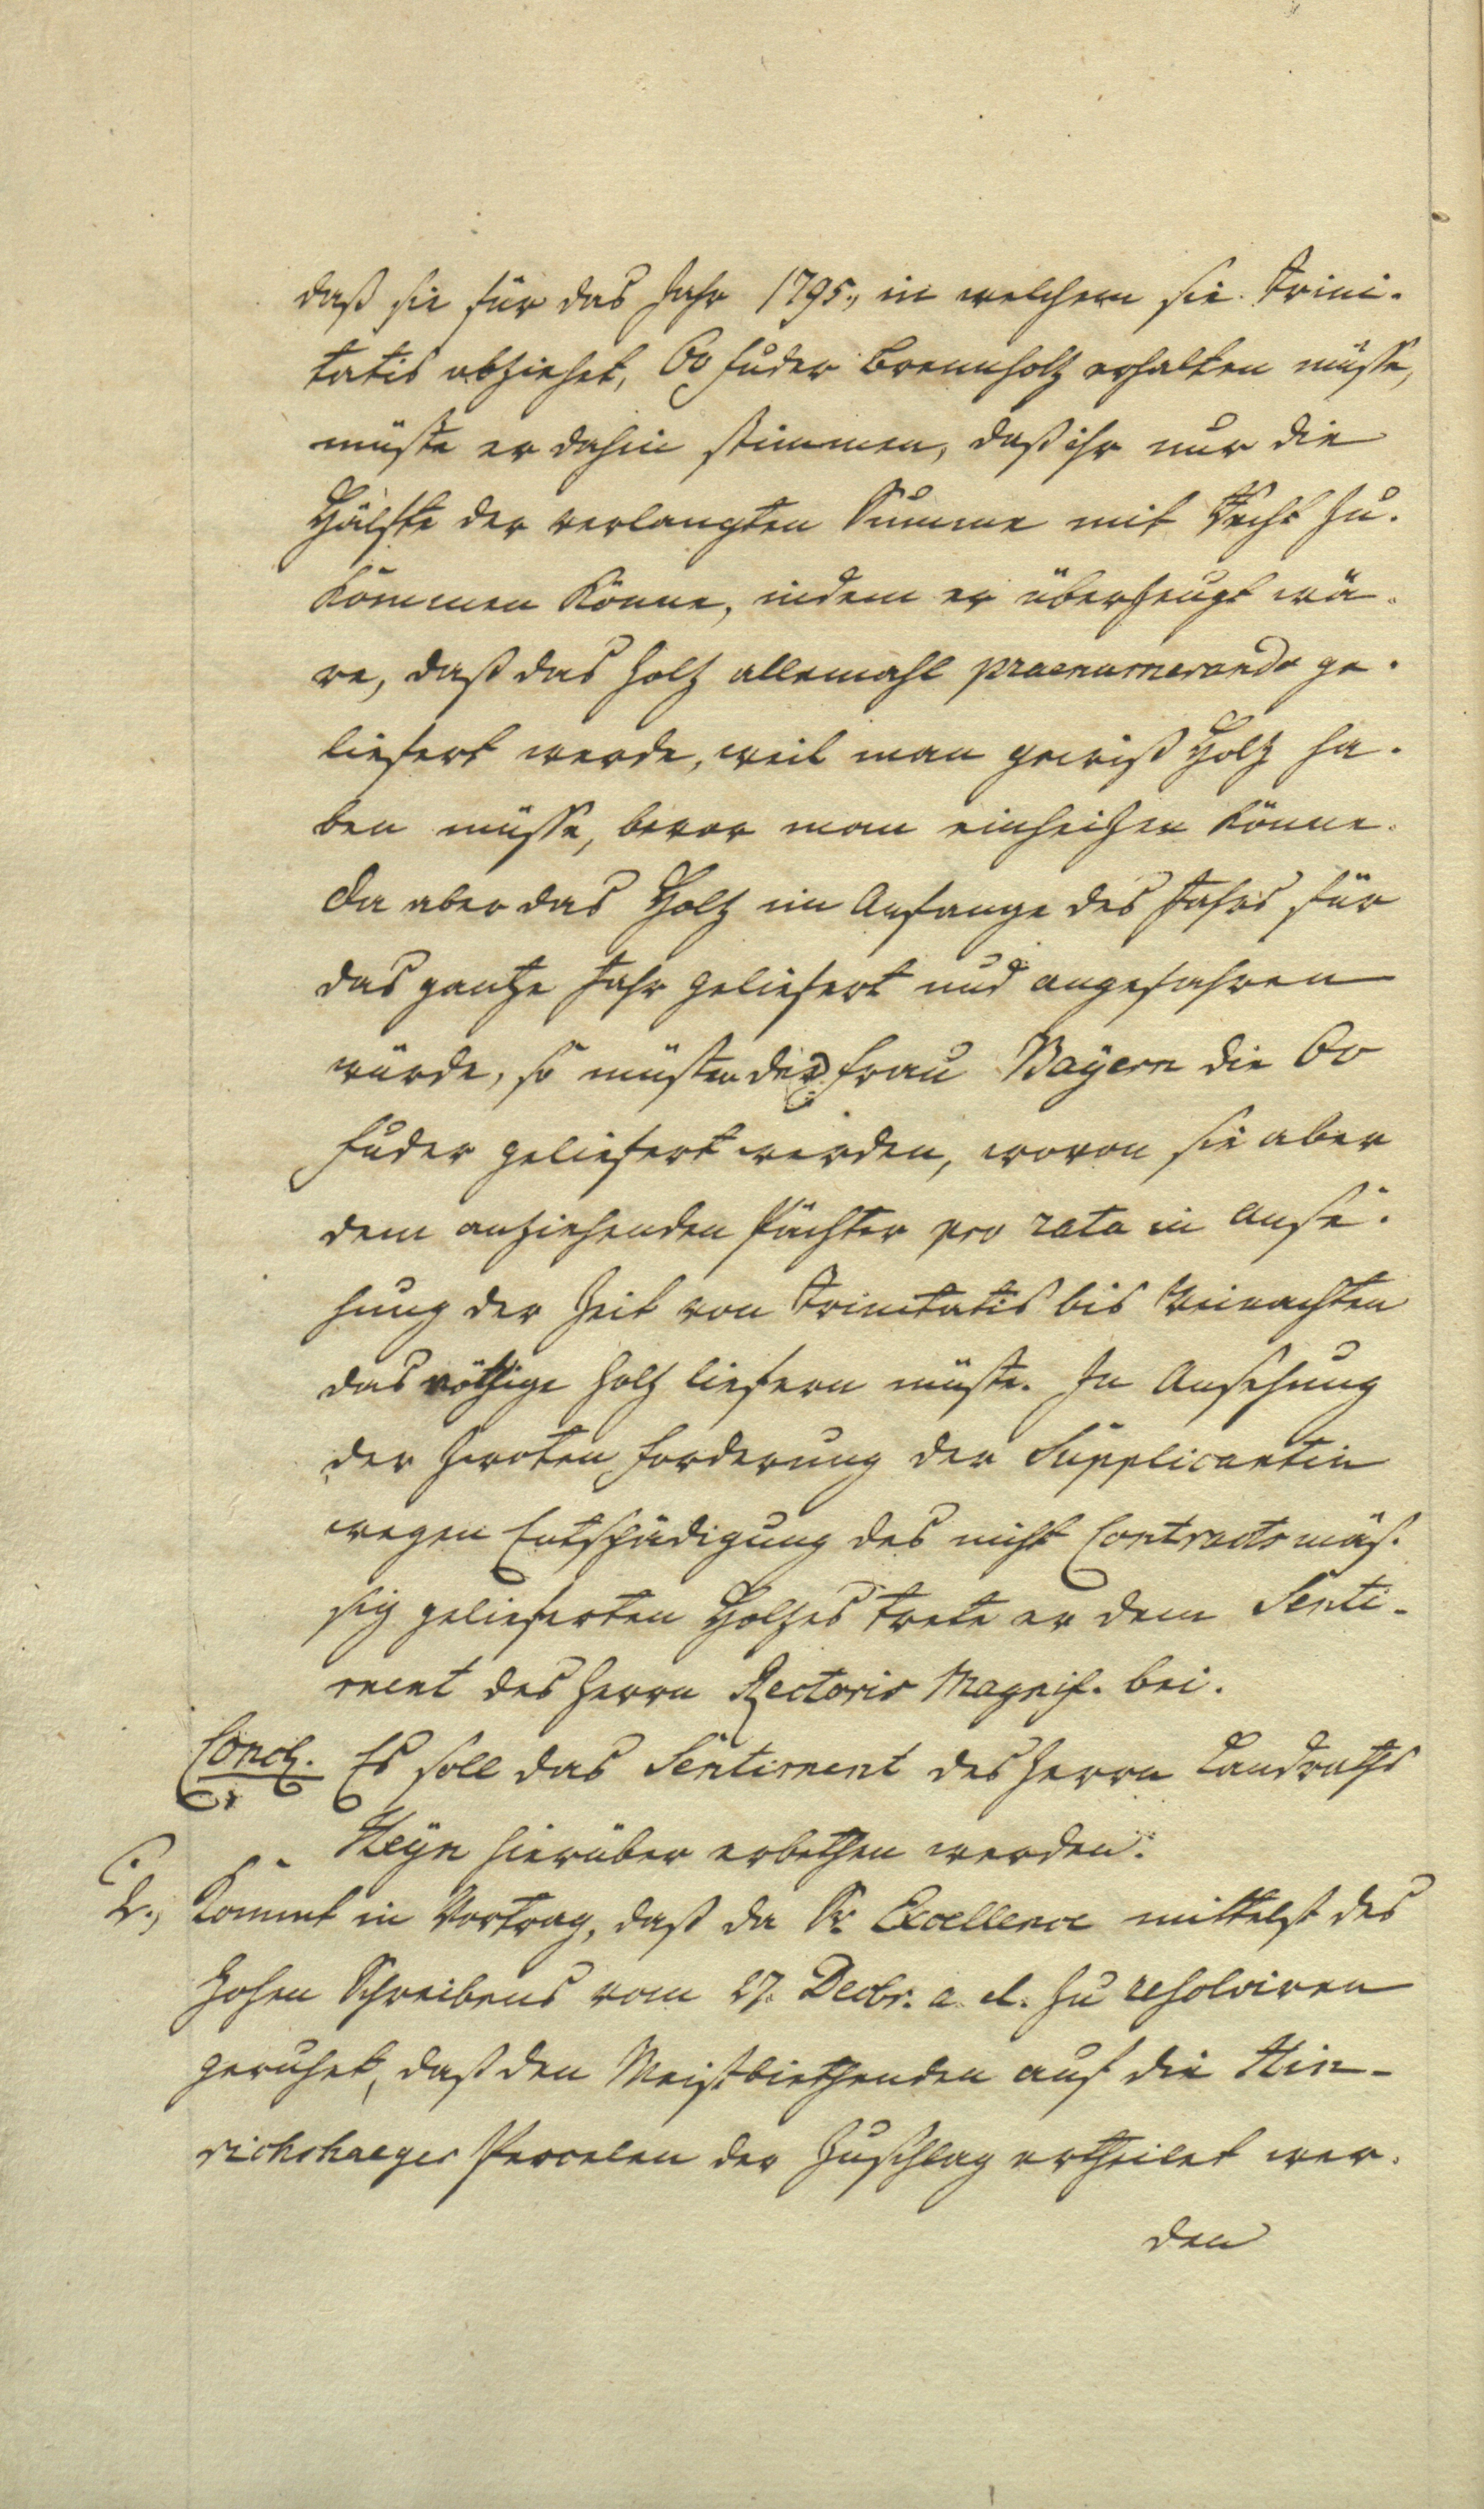daß sie für das sehr 1795., in welchem sie Trini¬
tatis abziehet, 60 Fuder Brennhotz erhalten müsse,
müßte er dahin stimmen, daß ihr nur die
Hälfte der verlangten Summe mit Recht zu¬
kommen könne, indem er übergeugt wä¬
re, daß das Holz allemahl praenumerando ge¬
liefert werde, weil man gewiß Holz ha¬
ben müsse, bevor man einheizen könne.
Da aber das Holz im Anfange des Jahrs für
das gantze Jahr geliefert und angefahren
würde, so müßten der Frau Baÿern die 60
Fuder geliefert werden, wovon sie aber
dem anziehenden Pächter pro rata in Anse¬
lung der Zeit von Trinitatis bis Weinachten
das nöthige Holz liefern müßte. In Ansehung
der zwoten Forderung der Supplicantin
wegen Entschädigung des nicht Contractsmäs¬
sig gelieferten Holzes trete er dem Senti¬
ment des Herrn Rectoris Magnif. bei.
Concl. Es soll das Sentiment des Herrn Landraths
Heÿn hierüber erbethen werden.
2., Kommt in Vortrag, daß da Sr Excellence mittelst des
Hohen Schreibens vom 27. Decbr. a. el. zu resolviren
geruhet, daß den Meistbiethenden auf die Hin¬
richshaeger Percelen der Zuschlag ertheilet wer¬
den